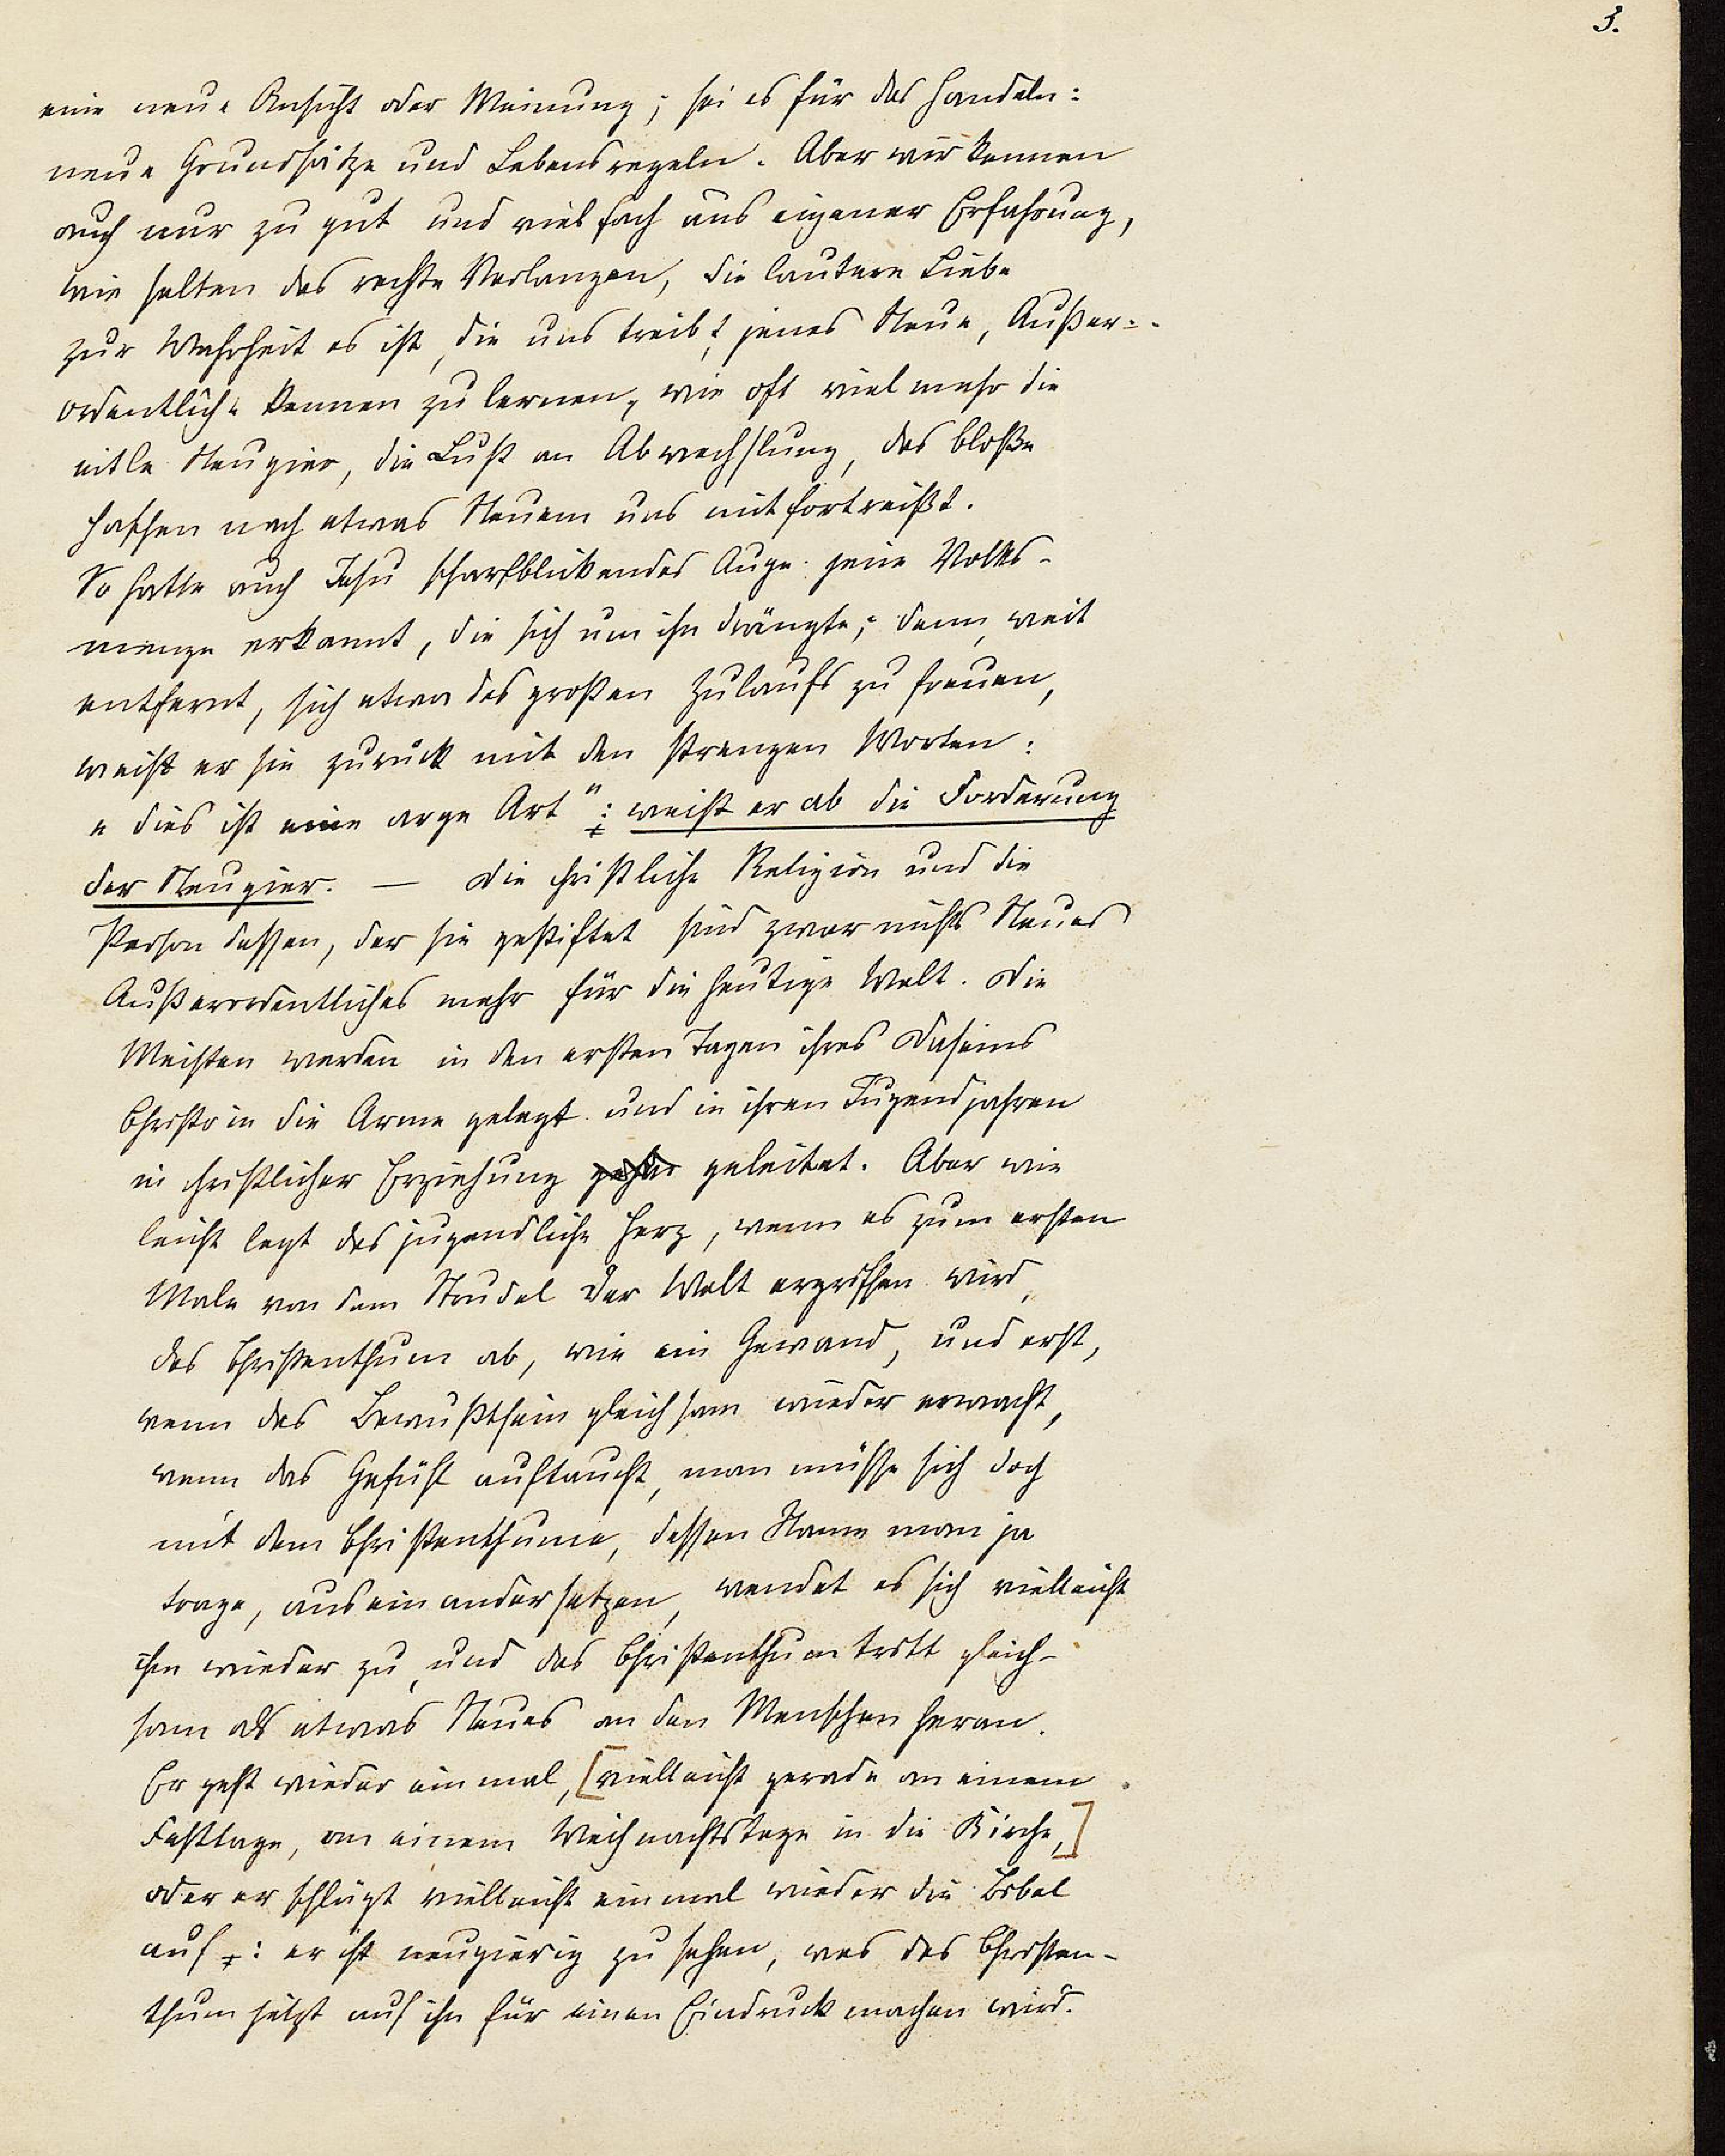eine neue Ansicht oder Meinung, sei es für das Handeln:
neue Grunsätze und Lebensregelen. Aber wir kennen
auch nur zu gut und vielfach aus eigener Erfahrung,
wie selten das rechte Verlangen, die lautere Liebe
zur Wahrheit es ist, die uns treibet, jenes Neue, Außer¬
ordentliche kennen zu lernen, wie oft viel mehr die
eitle Neugier, die Lust an Abwechslung, das blosße
haschen nach etwas Neuem uns mit fortrreißt.
So hatte auch Jesu scharfblickendes Auge jene Volks¬
menge erkannt, die sich um ihn drängte; denn weit
entfernt, sich etwa des großen Zulaufs zu freuen,
weißt er sie zurück mit den strengen Worten:
"dies ist eine arge Art": weißt er ab die Forderung
der Neugier. _ Die christliche Religion und die
Person dessen, der sie gestiftet sind zwar nichs Neues
Außerodentliches mehr für die heutige Welt. Die
Meisten werden in den ersten Tagen ihres Daseins
Christo in die Arme gelegt und in ihren Jugendjahren
in christlicher Erziehung jeher geleitet. Aber wie
leicht legt das jugendliche Herz, wenn es zum ersten
Male von dem Strudel der Welt ergriffen wird,
das Christenthunm ab, wie ein Gewand, und erst,
wenn das Bewußtsein gleichsam wieder erwacht,
wenn das Gefühl auftaucht, man müsse sich doch
mit dem Christentume, dessen Nanme man ja
trage, auseinandersetzen, wendet es sich vielleicht
ihm wieder zu und das Christenthum tritt gleich¬
sam als etwas Neues an den Menschen heran.
Er geht wieder einmal [vielleicht gerade an einem
Festtage, an einem Weichnachtstage in die Kirche,
]
oder er schlägt vielleicht einmal wieder die Bibel
auf,: er ist neugierig zu sehen, wes das Christen¬
thum jetzt auf ihn für einen Eindruck machen wird.
-